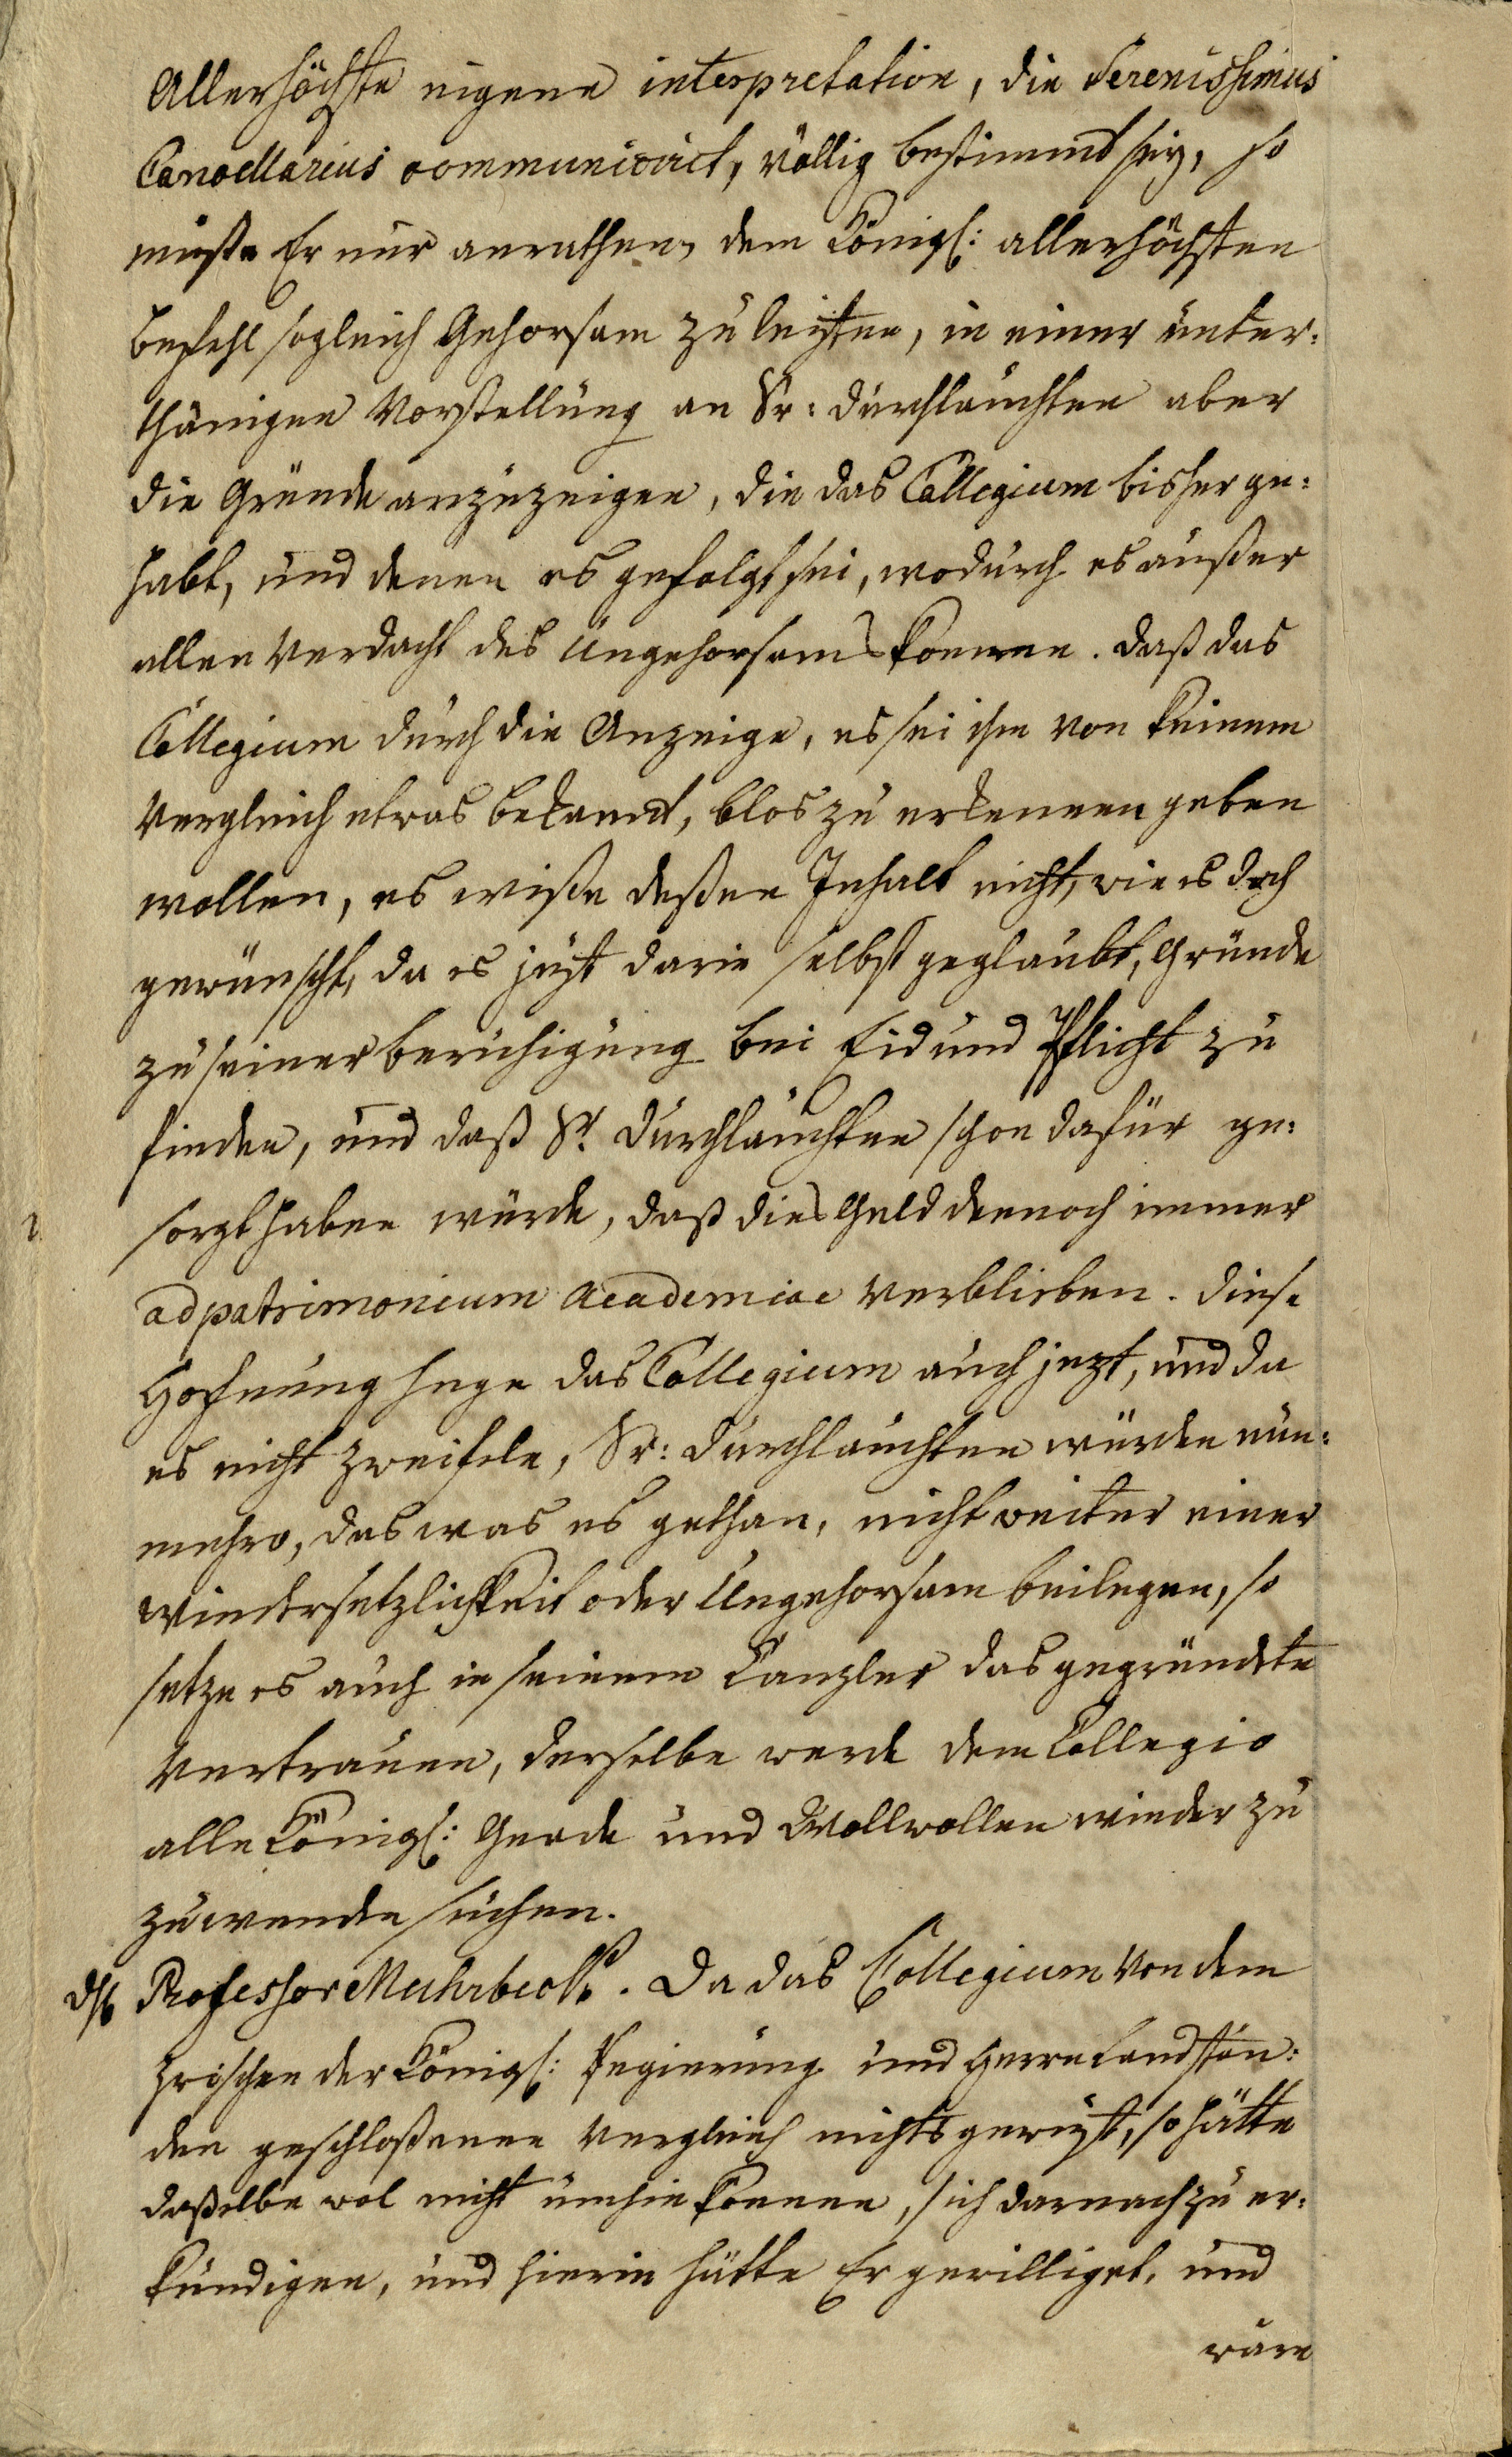Allerhöchste eigene interpretation, die Serenissimus
Cancellarius communiciret, völlig bestimmt seÿ, so
müßte Er nur anrathen, dem Königl. allerhöchsten
Befehl sogleich Gehorsam zu leisten, in einer unter¬
thänigen Vorstellung an Sr. Durchlauchten aber
die Gründe anzuzeigen, die das Collegium bisher ge¬
habt, und denen es gefolgt sei, wodurch es außer
allen Verdacht des Ungehorsams komme. Daß das
Collegium durch die Anzeige, es sei ihm von keinem
Vergleich etwas bekannt, blos zu erkennen geben
wollen, es wiße dessen Inhalt nicht, wie es doch
gewünscht, da es jezt darin selbst geglaubt, Gründe
zu seiner Berichtigung bei Eid und Pflicht zu
finden, und daß Sr Durchlauchten schon dafür ge¬
sorgt haben würde, daß dies Geld dennoch immer
ad patrimonium Academiae verbleiben. Diese
Hofnung hagen das Collegium auch jezt, und da
es nicht zweifele, Sr. Durchlauchten würden nun¬
mehro, das was es gethan, nicht weiter einer
Wiedersetzlichkeit oder Ungehorsam beilegen, so
setze es auch in seinem Canzler das gegründete
Vertrauen, derselbe werde dem Collegio
alle Königl. Gnade und Wollwollen wieder zu
zuwenden suchen.
dh Professor Muhrbeck. Da das Collegium von dem
zwischen der Königl. Regierung und Herrn Landstän¬
den geschloßenen Vergleich nichts gewust, so hätte
daßelbe wol nicht umhin können, sich darnach zu er¬
kundigen, und hierin hätte Er gewilliget, und
wäre